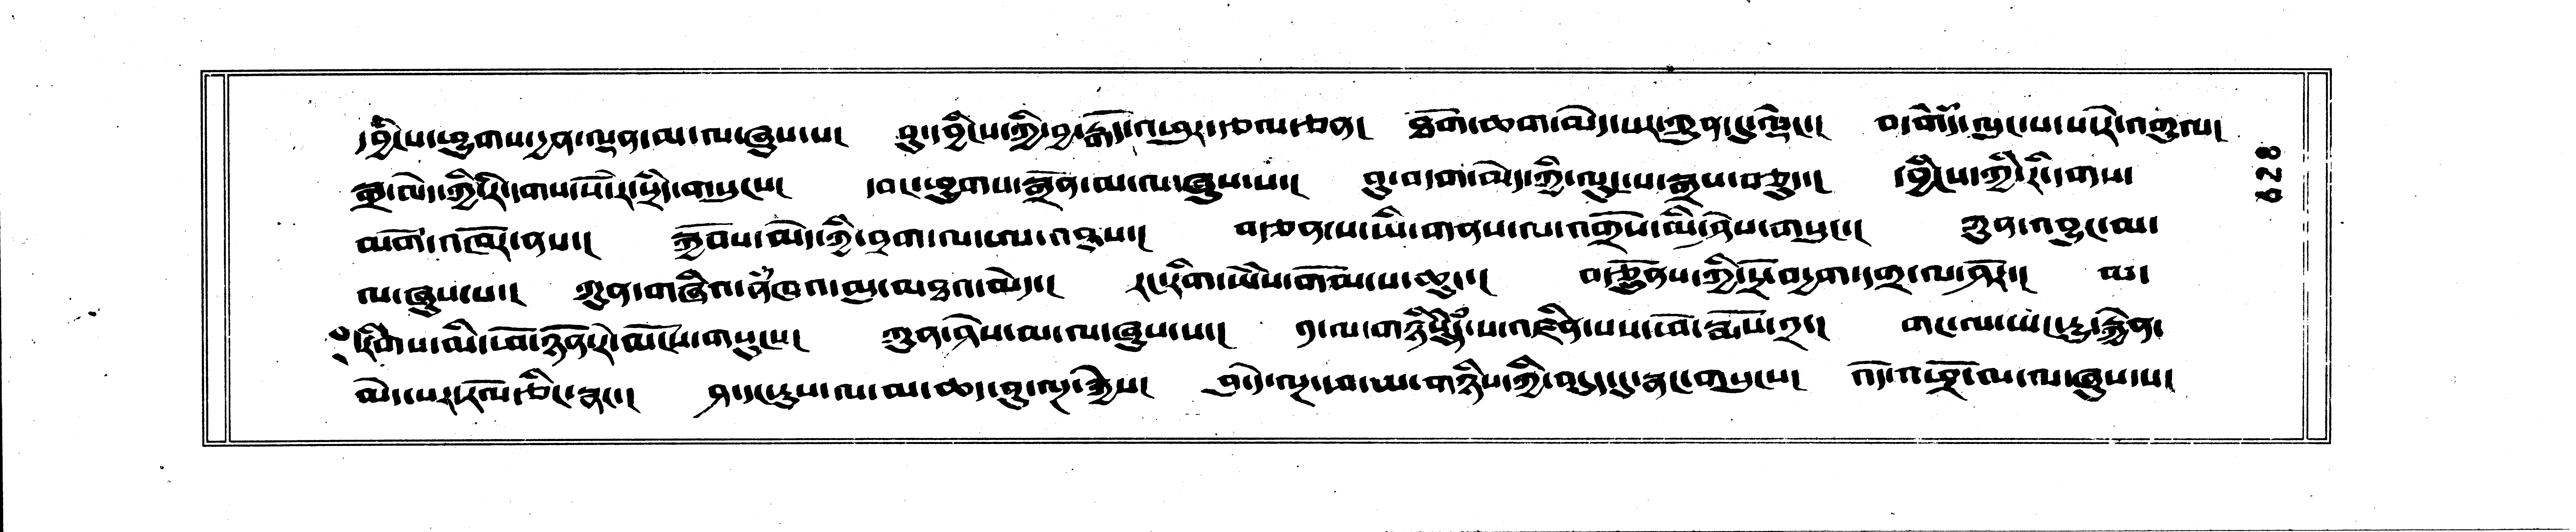རྒྱལ་མཚན་༼རྒྱན་ལྡན༽མ་ལ་ཞུས་པ། བུ་དབྱིངས་ཀྱི་བྱ་རྒོད་འཕྲུར་༼འཕུར༽རྩལ་ཆེ། ཐོགས་ཆགས་མེད་པ་ཀུན་དུ་ལྡིང་། བདག་མེད་ཀྱི་ལུང་པ་ས་རེ་གྷོལ་‘‘འགུལ”། 
དགྲ་མེད་ཀྱིས་རི་དག་སོ་རེ་གསོད་གསུངས། དབང་ཕྱུག་སྒྲོན་མ་ལ་ཞུས་པ། བུ་བདག་མེད་ཀྱི་ལུང་པ་དགྲས་བཅུད། བྱར་མེད་རི་དག་
མགོ་འཁོར། སྐྱོན་མེད་ཀྱི་བྲག་ལ་ཨན་འཐས། བརྩན་པའི་ནགས་ལ་འགྲོ་མི་ཤེས་གསུངས། ཀུན་འབྱུང་མ་
ལ་ཞུས་པ། ཀུན་ཁྱབ་ནམ་མཁའ་ལ་མུ་མཐའ་མེད། རང་རིག་ཡེ་ཤེས་གོམ་པ་ཆུང་། བརྩོན་འགྲུས་ཀྱི་དྲོ་༼གྲོ༽བརྒྱག་དགྲ་ལ་ཤོར། མ་
རིག་མི་ཕོ་ཉོན་རེ་མོང་གསུངས། ཀུན་ཤེས་མ་ལ་ཞུས་པ། གཅིག་ལ་གཉིས་སུ་འཛིན་པའི་ཕོ་མོ་གཉིས། གང་ལ་ཡང་རྒྱུ་རྐྱེན་
མེད་པར་རོལ་ཅིང་སྣང་། ཤ་དང་རུས་པ་ལ་མ་ཆད་པའི་བུ་ལྔ་སྐྱེས། བུ་དེ་ལྔ་ཕ་མ་གཉིས་ཀྱིས་བདུད་དུ་སྣང་གསུངས། འོད་འཕྲོ་མ་ལ་ཞུས་པ།